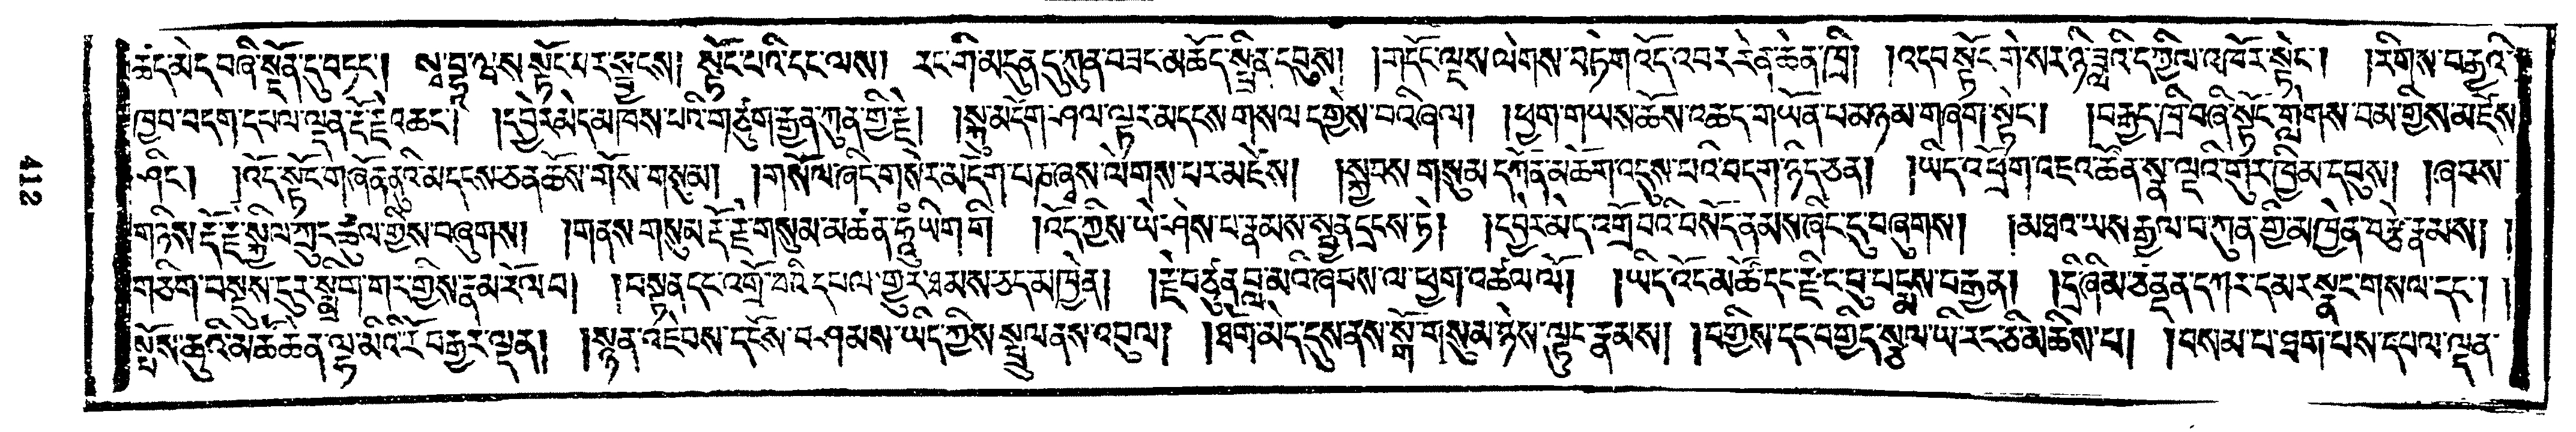ཚད་མེད་བཞི་སྔོན་དུ་བཏང་། སྭ་བྷཱ་ཝས་སྟོང་པར་སྦྱངས། སྟོང་པའི་དང་ལས། རང་གི་མདུན་དུ་ཀུན་བཟང་མཆོད་སྤྲིན་དབུས། །གདོང་ལྔས་ལེགས་བཏེག་འོད་འབར་རེན་ཆེན་ཁྲི། །འདབ་སྟོང་གེ་སར་ཉི་ཟླའི་དཀྱིལ་འཁོར་སྟེང་། །རིགས་བརྒྱའི་
ཁྱབ་བདག་དཔལ་ལྡན་རྡོ་རྗེ་འཆང་། །དབྱེར་མེད་མཁས་པའི་གཙུག་རྒྱན་ཀུན་གྱི་རྗེ། །སྐུ་མདོག་ཤལ་ལྟར་མདངས་གསལ་དགྱེས་བའི་ཞལ། །ཕྱག་གཡས་ཆོས་འཆད་གཡོན་པ་མཉམ་གཞག་སྟེང་། །བརྒྱད་ཁྲི་བཞི་སྟོང་གླེགས་བམ་གྱིས་མཛེས་
ཤིང་། །འོད་སྟོང་གཞོན་ནུའི་མདངས་ཅན་ཆོས་གོས་གསུམ། །གསོལ་ཞིང་གསེར་མདོག་པཎ་ཞྭས་ལེགས་པར་མཛེས། །སྐྱབས་གསུམ་དཀོན་མཆོག་འདུས་པའི་བདག་ཉིད་ཅན། །ཡིད་འཕྲོག་འཇའ་ཚོན་སྣ་ལྔའི་གུར་ཁྱིམ་དབུས། །ཞབས་
གཉིས་རྡོ་རྗེ་སྐྱིལ་ཀྲུང་ཚུལ་གྱིས་བཞུགས། །གནས་གསུམ་རྡོ་རྗེ་གསུམ་མཚན་ཧཱུཾ་ཡིག་གི། །འོད་ཀྱིས་ཡེ་ཤེས་པ་རྣམས་སྦྱན་དྲངས་ཏེ། །དབྱེར་མེད་འགྲོ་བའི་བསོད་ནམས་ཞིང་དུ་བཞུགས། །མཐའ་ཡས་རྒྱལ་བ་ཀུན་གྱི་མཁྱེན་བརྩེ་རྣམས། །
གཅིག་བསྡུས་དུར་སྨིག་གར་གྱིས་རྣམ་རོལ་བ། །བསྟན་དང་འགྲོ་བའི་དཔལ་གྱུར་ཐམས་ཅད་མཁྱེན། །རྗེ་བཙུན་བླ་མའི་ཞབས་ལ་ཕྱག་འཚལ་ལོ། །ཡིད་འོང་མཚོ་དང་རྫིང་བུ་པདམས་བརྒྱན། །དྲི་ཞིམ་ཙནྡན་དཀར་དམར་སྣང་གསལ་དང་། །
སྤོས་ཆུའི་མཚོ་ཆེན་ལྷ་མིའི་རོ་བརྒྱར་ལྡན། །སྙན་འཇེབས་དངོས་བཤམས་ཡིད་ཀྱིས་སྤྲུལ་ནས་འབུལ། །ཐོག་མེད་དུས་ནས་སྒོ་གསུམ་ཉེས་ལྟུང་རྣམས། །བགྱིས་དང་བགྱིད་སྩལ་ཡི་རང་ཅི་མཆིས་པ། །བསམ་པ་ཐག་པས་དཔལ་ལྡན་